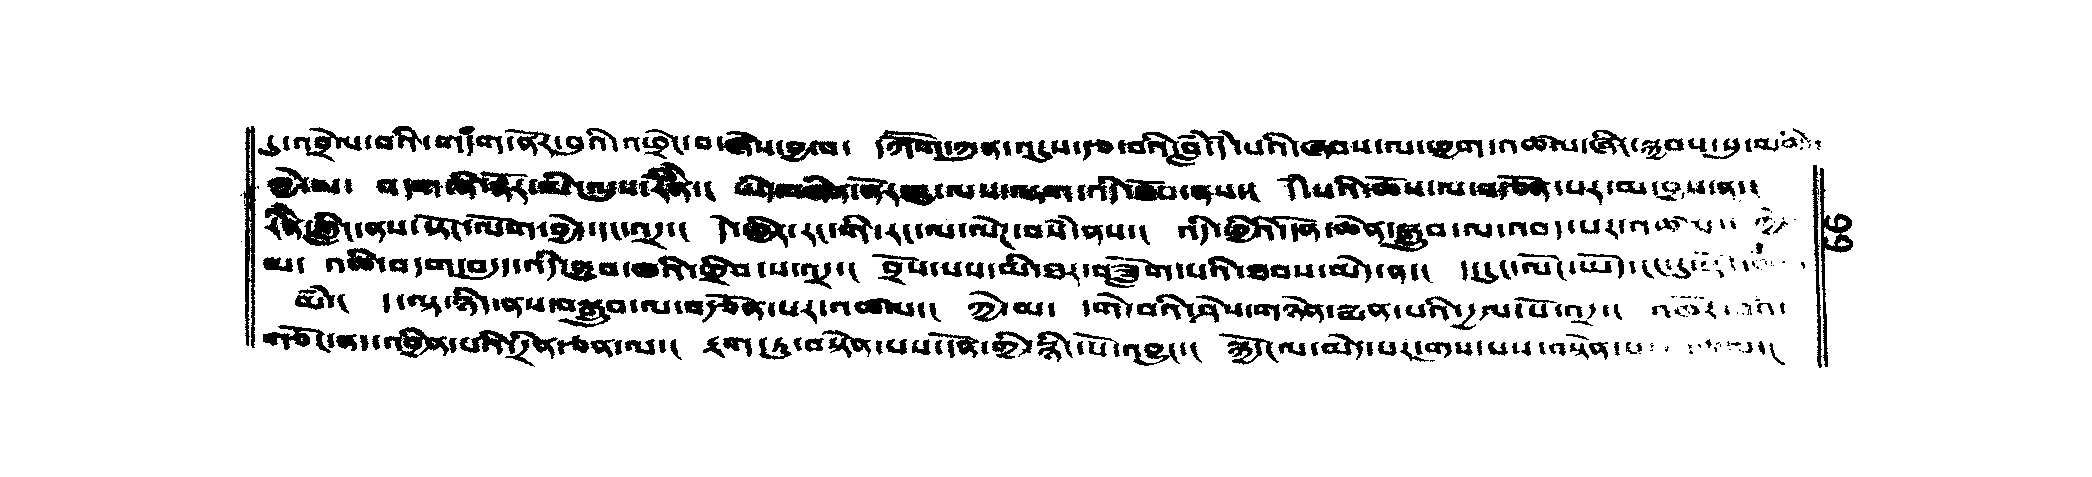དུ་འབྲེལ་བའི་གདམས་ངག་ནོར་བུའི་འཕྲེང་བ་ཞེས་བྱ་བ། དཀོན་མཆོག་ཀུན་འདུས་རྩ་བའི་བླ་མ་དམ་པའི་ཞབས་ལ་ཕྱག་འཚལ་ཞིང་སྐྱབས་སུ་མཆི། 
ཀྱེ་མ། བདག་ནི་དལ་འབྱོར་མི་ལུས་རིན་པོ་ཆེ། །ཡིད་བཞིན་ནོར་བུ་ལས་ལྷག་འདི་ཐོབ་ནས། །དམ་པའི་ཆོས་ལ་བརྩོན་པར་མ་བྱས་ན། །
རིན་ཆེན་གླིང་ནས་ལོག་སྟོང་བྱེད་པ་འདྲ། །དེ་ཕྱིར་རང་གི་རང་ལ་ལེགས་བསམ་ནས། །འདི་ཕྱིའི་དོན་ཆེན་བསྒྲུབ་ལ་འབད་པར་འཚལ། ཀྱེ་
མ། འཆི་བདག་བདུད་འདི་ནུབ་ཁའི་གྲིབ་སོ་འདྲ། །བྲོས་པས་མི་ཐར་བཟློག་པའི་ཐབས་མེད་ན། །ད་དུང་ལོང་ཡོད་ངང་དུ་སྡོད་བསམ་
མམ། །ད་ལྟ་ཉིད་ནས་བསྒྲུབ་ལ་བརྩོན་པར་འཚལ། ཀྱེ་མ། དགེ་བའི་བཤེས་གཉེན་སྨན་པའི་རྒྱལ་པོ་འདྲ། །འཁོར་བའི་
གཅོང་ནད་འབྱིན་པའི་དྲིན་ཅན་ལ། །རྟག་ཏུ་བསྟེན་པས་དོན་གྱི་སྙིང་པོ་འབྱུང་། །སྐྱོ་ངལ་མེད་པར་གུས་པས་བསྟེན་པར་འཚལ།